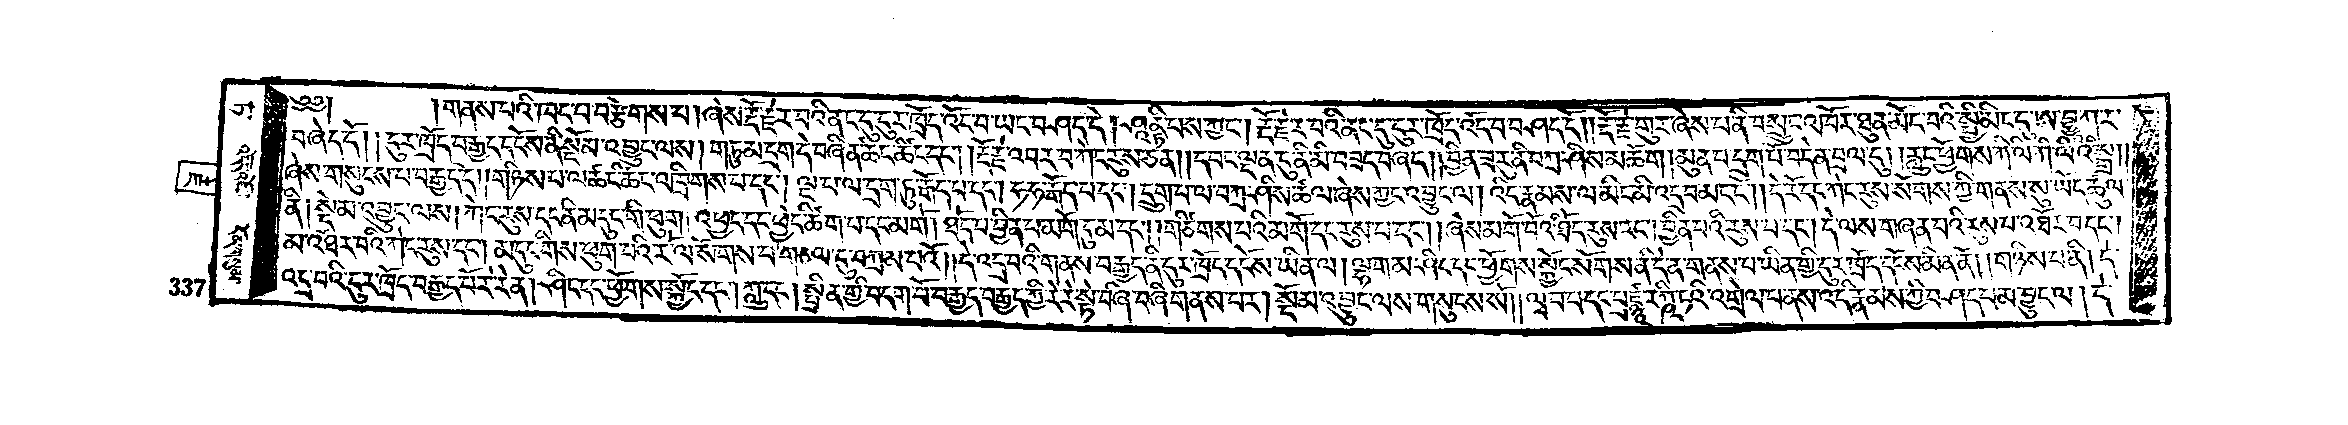༄༅། །གནས་པའི་ཁང་པ་བརྩེགས་པ། ཞེས་རྡོ་རྗེ་ར་བའི་ནང་དུ་དུར་ཁྲོད་འོང་བ་ཡང་བཤད་དེ། ཤཱནྟི་པས་ཀྱང་། རྡོ་རྗེ་ར་བའི་ནང་དུ་དུར་ཁྲོད་འོད་བ་བཤད་དོ། །རྡོ་རྗེ་གུར་ཞེས་པ་ནི་བསྲུང་འཁོར་ཐུན་མོང་བའི་སྤྱི་མིང་དུ་ཨ་བྷྱཱ་ཀ་ར་
བཞེད་དོ། །དུར་ཁྲོད་བརྒྱད་དངོས་ནི་སྡོམ་འབྱུང་ལས། གཏུམ་དྲག་དེ་བཞིན་ཚང་ཚིང་དང་། །རྡོ་རྗེ་འབར་བ་ཀེང་རུས་ཅན། །དབང་ལྡན་དུ་ནི་མི་བཟད་བཞད། །བྱིན་ཟ་རུ་ནི་བཀྲ་ཤིས་མཆོག །མུན་པ་དྲག་པོ་བདེན་བྲལ་དུ། །རླུང་ཕྱོགས་ཀི་ལི་ཀི་ལིའི་སྒྲ།།
ཞེས་གསུངས་པ་བརྒྱད་དེ། །གཉིས་པ་ལ་ཚང་ཚིང་འཁྲིགས་པ་དང་། ལྔ་པ་ལ་དྲག་ཏུ་རྒོད་པ་དང་། ཧ་ཧ་རྒོད་པ་དང་། དྲུག་པ་ལ་བཀྲ་ཤིས་ཚལ་ཞེས་ཀྱང་འབྱུང་ལ། འདི་རྣམས་ལ་མིང་མི་འདྲ་བ་མང་ངོ། །དེ་རོ་དང་ཀེང་རུས་སོགས་ཀྱི་གནས་སུ་ཡོད་ཚུལ་
ནི། སྡོམ་འབྱུང་ལས། ཀེང་རུས་དང་ནི་མདུང་གི་ཕུག །འཕྱད་དང་ཕྱེད་ཚིག་པ་དང་མགོ །ཐོད་པ་བྱིན་པ་མགོ་དུམ་དང་། །གཙིགས་པའི་མགོ་དང་རུས་པ་དང་། །ཞེས་མགོ་བོའི་ཐོད་རུས་དང་། བྱིན་པའི་རུས་པ་དང་། དེ་ལས་གཞན་པའི་རུས་པ་འཐོར་བ་དང་།
མ་འཐོར་བའི་ཀེང་རུས་དང་། མདུང་གིས་ཕུག་པའི་རོ་ལ་སོགས་པ་གཅལ་དུ་བཀྲམ་པའོ། །དེ་འདྲ་བའི་གནས་བརྒྱད་ནི་དུར་ཁྲོད་དངོས་ཡིན་ལ། ལྷག་མ་ཤིང་དང་ཕྱོགས་སྐྱོང་སོགས་ནི་དེ་ན་གནས་པ་ཡིན་གྱི་དུར་ཁྲོད་དངོས་མིན་ནོ། །གཉིས་པ་ནི། དེ་
འདྲ་བའི་དུར་ཁྲོད་བརྒྱད་པོ་རེ་རེ་ན། ཤིང་དང་ཕྱོགས་སྐྱོང་དང་། ཀླུ་དང་། སྤྲིན་གྱི་བདག་པོ་བརྒྱད་བརྒྱད་ཀྱི་རེ་རེ་སྟེ་བཞི་བཞི་གནས་པར། སྡོམ་འབྱུང་ལས་གསུངས་སོ། །ལྭ་བ་པ་དང་པྲཛྙཱ་རཀྵི་ཏའི་འགྲེལ་པ་ནས་འདི་རྣམས་ཀྱི་བཤད་པ་མ་བྱུང་ལ། དེ་